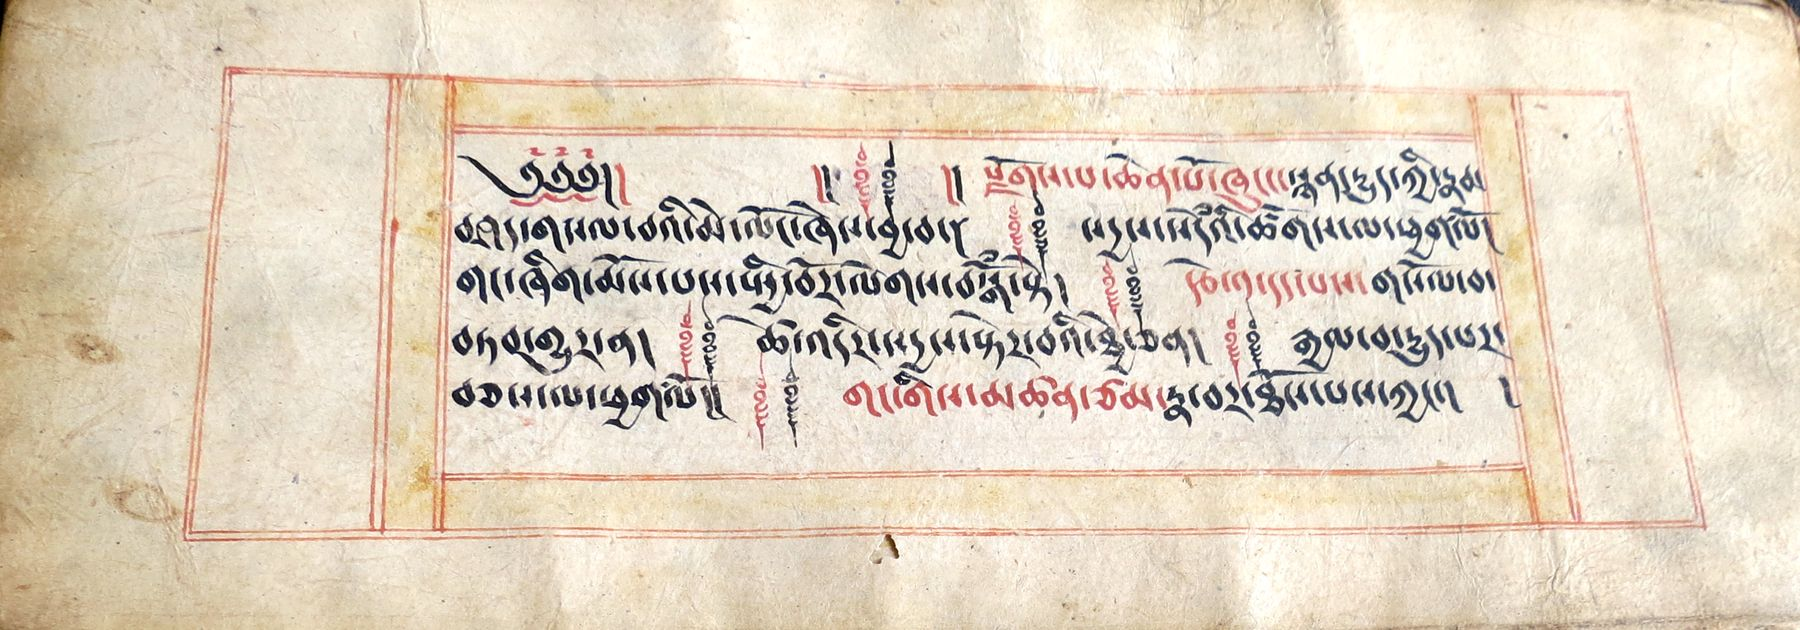རྫོགས་པ་ཆེན་པོ་ཞང་ཞུང་སྙན་རྒྱུད་ཀྱི་རྣམ་
བཤད་གསལ་བའི་མེ་ལོང་ཞེས་བྱ་བ། སངས་རྒྱས་སེམས་དཔའི་ཚོགས་ལ་ཕྱག་འཚལ་ལོ། ། 
གང་ཞིག་མོས་པས་སྤྱི་བོར་ལེགས་བསྒོམས་ཏེ། ། རྩེ་གཅིག་དད་པས་གསོལ་བ་
བཏབ་གྱུར་ན། ། ཚེ་འདིར་སངས་རྒྱས་སྟེར་བའི་ཐུགས་རྗེ་ཅན། ། རྒྱལ་བ་བརྒྱུད་པར་
བཅས་ལ་ཕྱག་འཚལ་ལོ། ། གང་གི་མཚན་ཙམ་རྣ་བས་ཐོས་པས་ཀྱང་། །